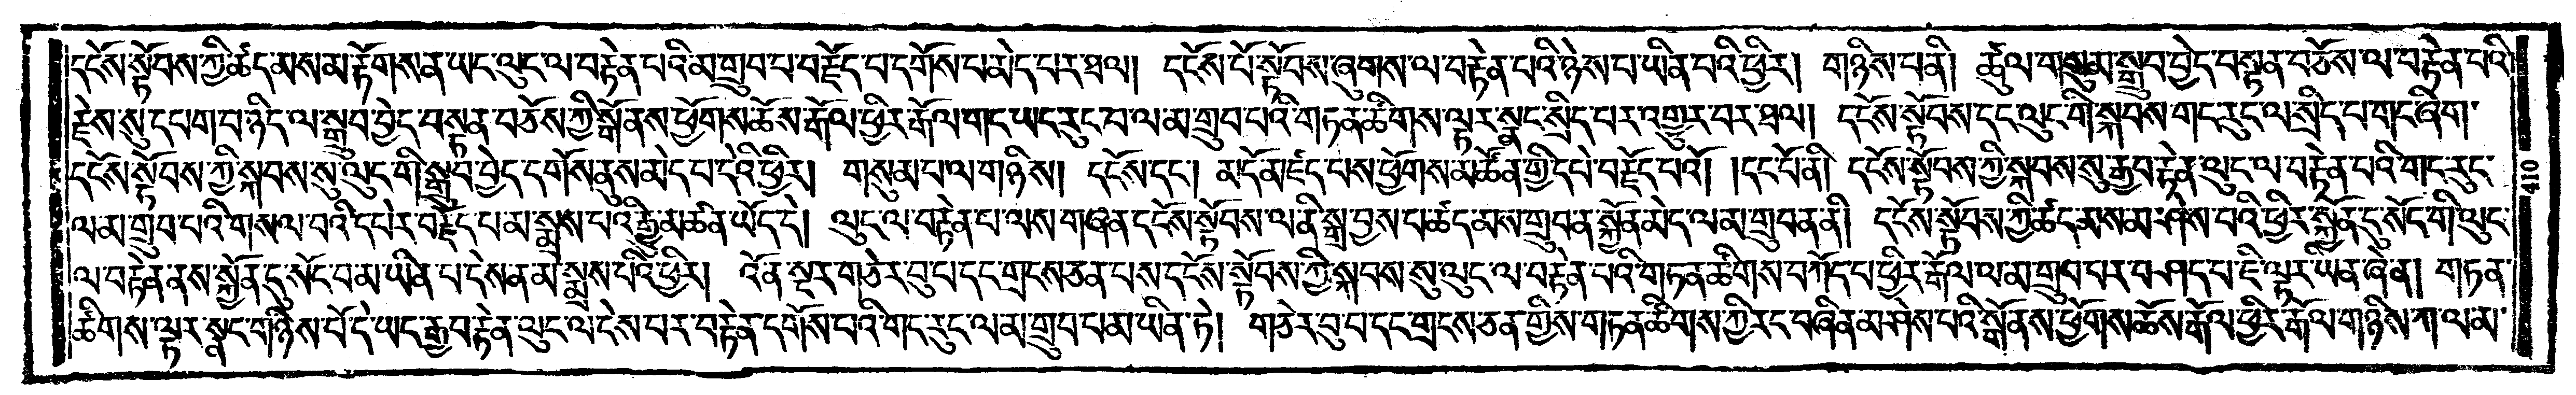དངོས་སྟོབས་ཀྱི་ཚད་མས་མ་རྟོགས་ན་ཡང་ལུང་ལ་བརྟེན་པའི་མ་གྲུབ་པ་བརྗོད་པ་དགོས་པ་མེད་པར་ཐལ། དངོས་པོ་སྟོབས་ཞུགས་ལ་བརྟེན་པའི་ཉེས་པ་ཡིན་པའི་ཕྱིར། གཉིས་པ་ནི། ཚུལ་གསུམ་སྒྲུབ་བྱེད་བསྟན་བཅོས་ལ་བརྟེན་པའི་
རྗེས་སུ་དཔག་པ་ཉིད་ལ་སྒྲུབ་བྱེད་བསྟན་བཅོས་ཀྱི་སྒོ་ནས་ཕྱོགས་ཆོས་རྒོལ་ཕྱིར་གང་ཡང་རུང་བ་ལ་མ་གྲུབ་པའི་གཏན་ཚིགས་ལྟར་སྣང་སྲིད་པར་འགྱུར་པར་ཐལ། དངོས་སྟོབས་དང་ལུང་གི་སྐབས་གང་རུང་ལ་སྲིད་པ་གང་ཞིག་
དངོས་སྟོབས་ཀྱི་སྐབས་སུ་ལུང་གི་སྒྲུབ་བྱེད་དགོས་ནུས་མེད་པ་དེའི་ཕྱིར། གསུམ་པ་ལ་གཉིས། དངོས་དང་། མདོ་མཛད་པས་ཕྱོགས་མཚོན་གྱི་དཔེ་བརྗོད་པའོ། །དང་པོ་ནི། དངོས་སྟོབས་ཀྱི་སྐབས་སུ་རྒྱབ་རྟེན་ལུང་ལ་བརྟེན་པའི་གང་རུང་
ལ་མ་གྲུབ་པའི་གསལ་བའི་དཔེར་བརྗོད་པ་མ་སྨྲས་པའི་རྒྱུ་མཚན་ཡོད་དེ། ལུང་ལ་བརྟེན་པ་ལས་གཞན་དངོས་སྟོབས་ལ་ནི་སྒྲ་བྱས་པ་ཚད་མས་གྲུབ་ན་སྐྱོན་མེད་ལ་མ་གྲུབ་ན་ནི། དངོས་སྟོབས་ཀྱི་ཚད་མས་མ་ཤེས་པའི་ཕྱིར་སྐྱོན་དུ་སོང་གི་ལུང་
ལ་བརྟེན་ནས་སྐྱོན་དུ་སོང་བ་མ་ཡིན་པ་དེས་ན་མ་སྨྲས་པའི་ཕྱིར། འོ་ན་སྔར་གཅེར་བུ་པ་དང་གྲངས་ཅན་པས་དངོས་སྟོབས་ཀྱི་སྐབས་སུ་ལུང་ལ་བརྟེན་པའི་གཏན་ཚིགས་བཀོད་པ་ཕྱིར་རྒོལ་ལ་མ་གྲུབ་པར་བཤད་པ་ཇི་ལྟར་ཡིན་ཞེ་ན། གཏན་
ཚིགས་ལྟར་སྣང་གཉིས་པོ་དེ་ཡང་རྒྱབ་རྟེན་ལུང་ལ་ངེས་པར་བརྟེན་དགོས་པའི་གང་རུང་ལ་མ་གྲུབ་པ་མ་ཡིན་ཏེ། གཅེར་བུ་པ་སྡང་གྲངས་ཅན་གྱིས་གཏན་ཚིགས་ཀྱི་རང་བཞིན་མ་ཤེས་པའི་སྒོ་ནས་ཕྱོགས་ཆོས་རྒོལ་ཕྱིར་རྒོལ་གཉིས་ཀ་ལ་མ་